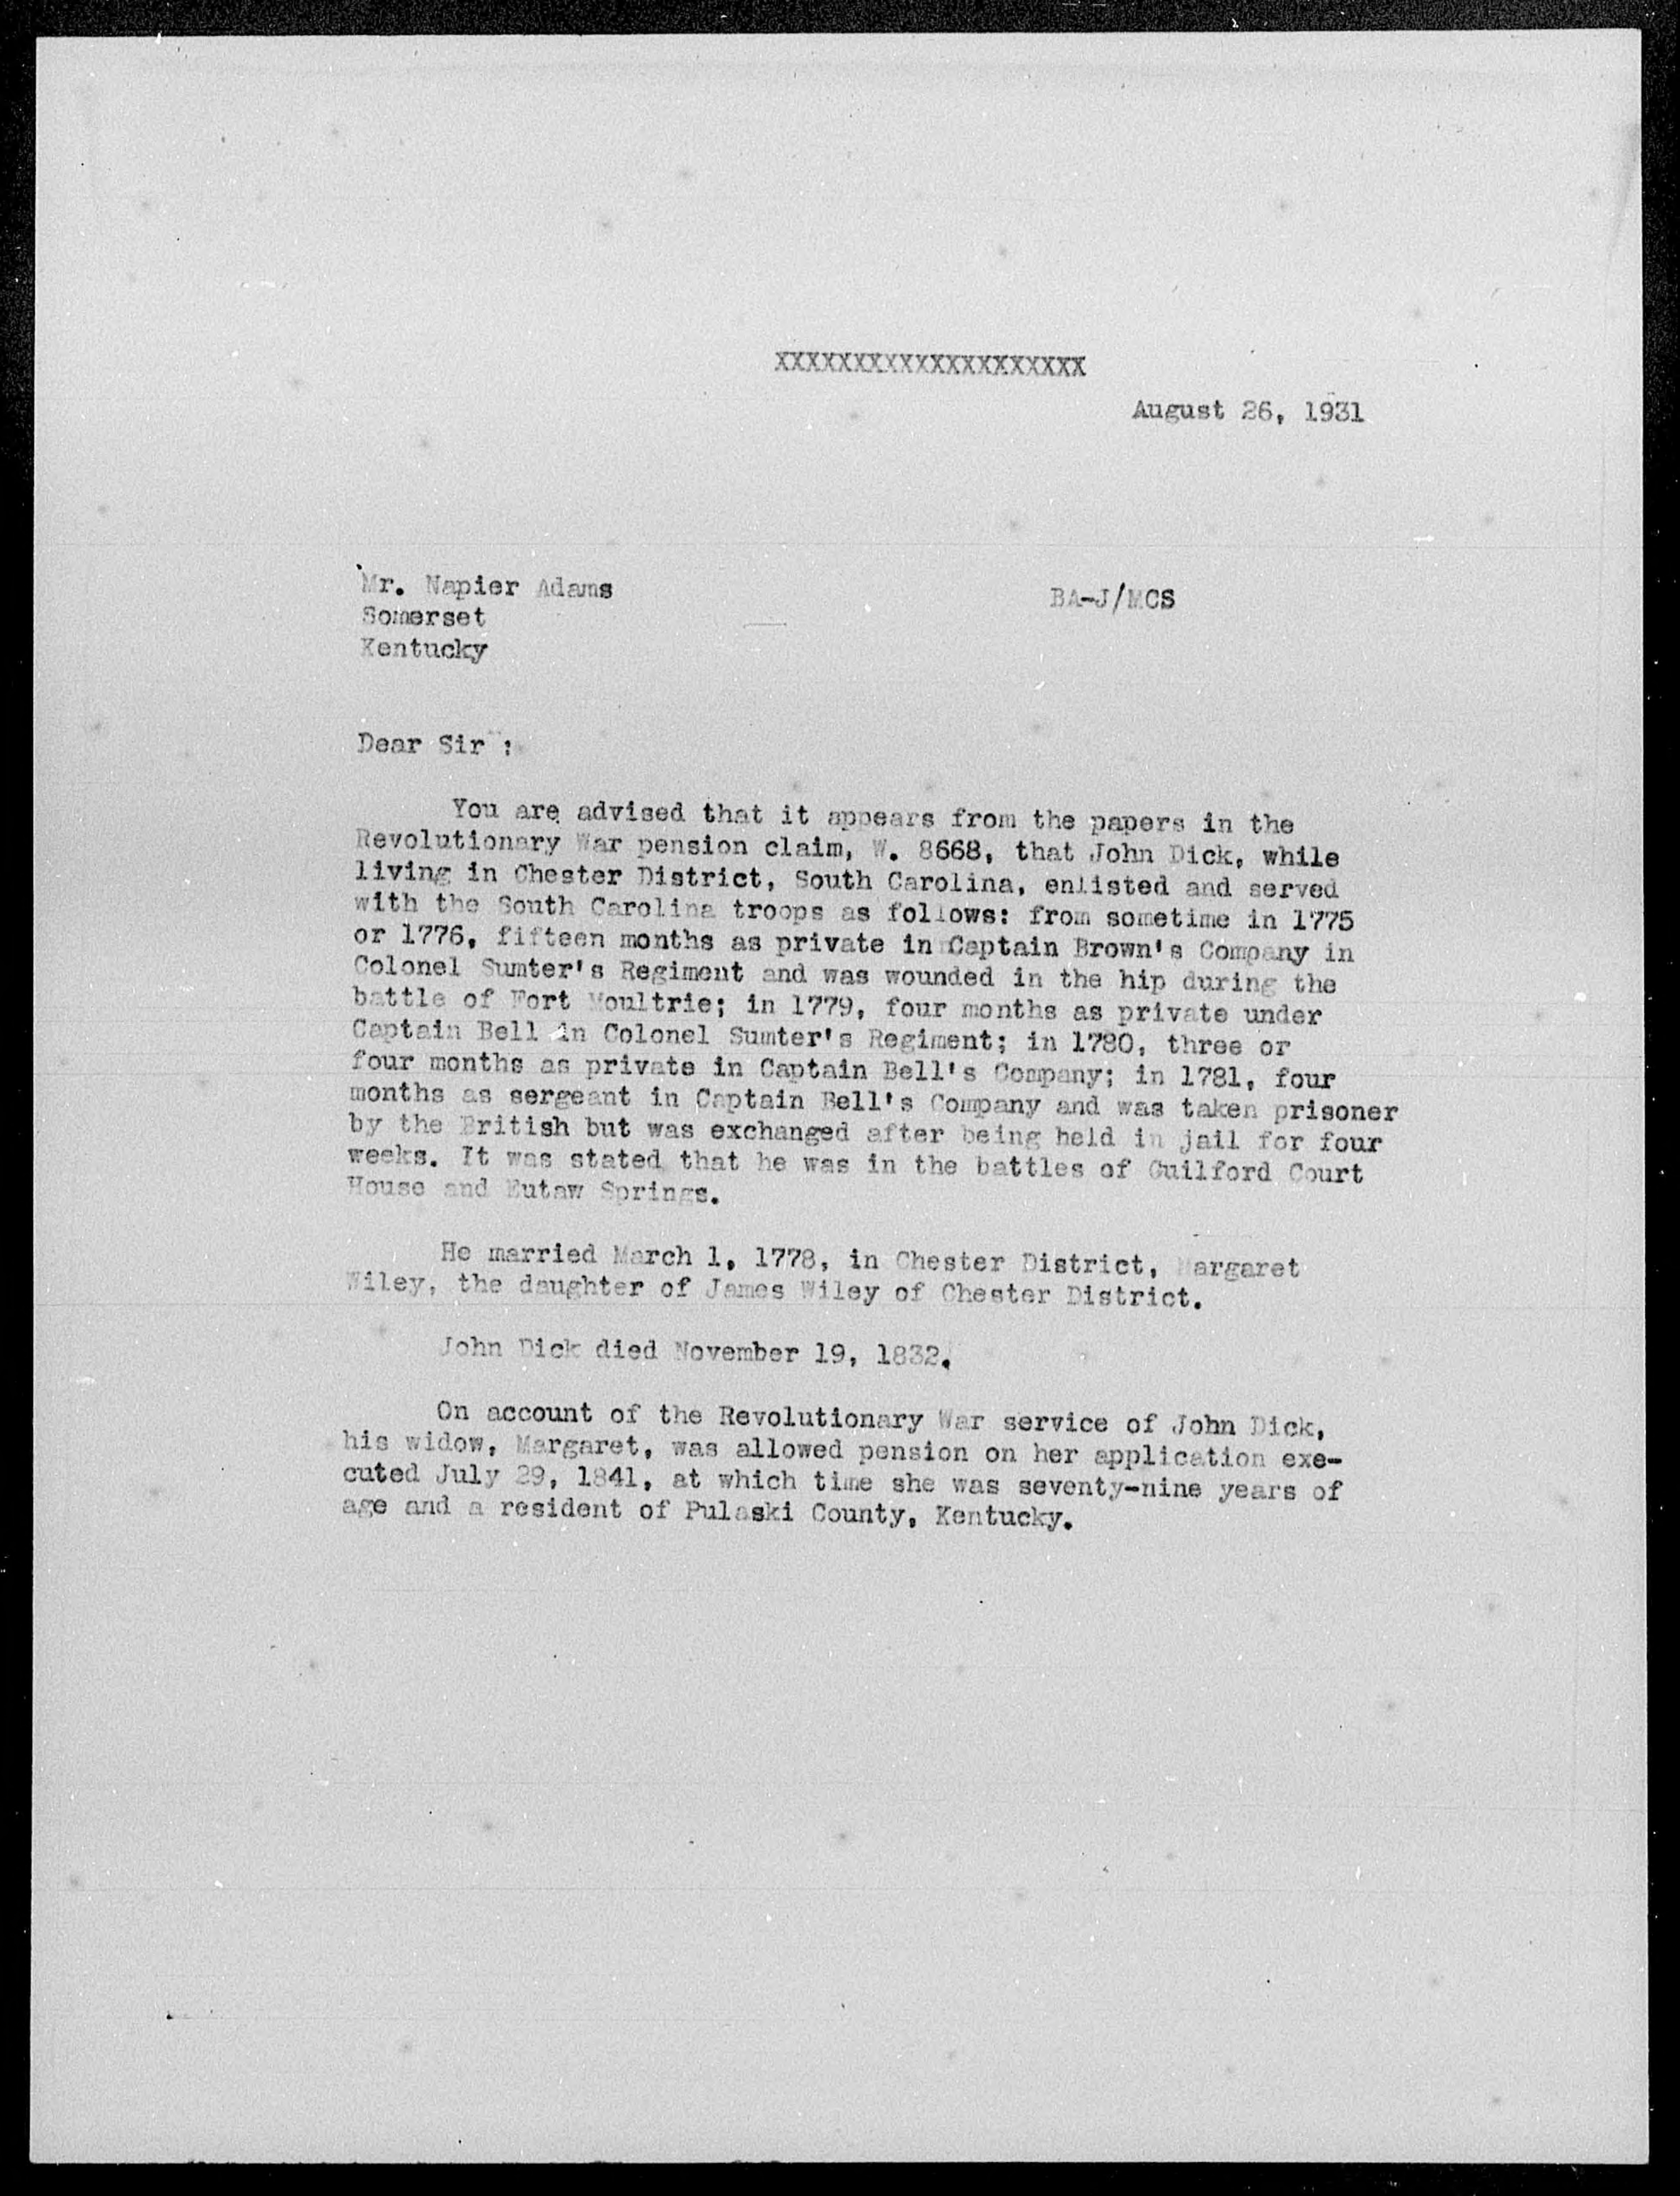XXXXXXXXXXXXXXXXXXXX
Mr. Napier Adams Somerset Kentucky 
 August 26, 1931 BA-J/MCS 
Dear Sir: You are advised that it appears from the papers in the Revolutionary War pension claim, W. 8668, that John Dick, while living in Chester District, South Carolina, enlisted and served with the South Carolina troops as follows: from sometime in 1775 or 1776, fifteen months as private in Captain Brown's Company in Colonel Sumter's Regiment and was wounded in the hip during the battle of Fort Moultrie; in 1779, four months as private under Captain Bell in Colonel Sumter's Regiment; in 1780, three or four months as private in Captain Bell's Company; in 1781, four months as sergeant in Captain Bell's Company and was taken prisoner by the British but was exchanged after being held in jail for four weeks. It was stated that he was in the battles of Guilford Court House and Eutaw Springs. 
He married March 1, 1778, in Chester District, Margaret Wiley, the daughter of James Wiley of Chester District. 
John Dick died November 19, 1832, On account of the Revolutionary War service of John Dick, his widow, Margaret, was allowed pension on her application executed July 29, 1841, at which time she was seventy-nine years of age and a resident of Pulaski County, Kentucky.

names: John Dick, John Dick, Bell, Napier Adams, Margaret Wiley, John Dick, James Wiley, Margaret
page: 9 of 31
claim: widow's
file: W. 8668, John Dick, S C